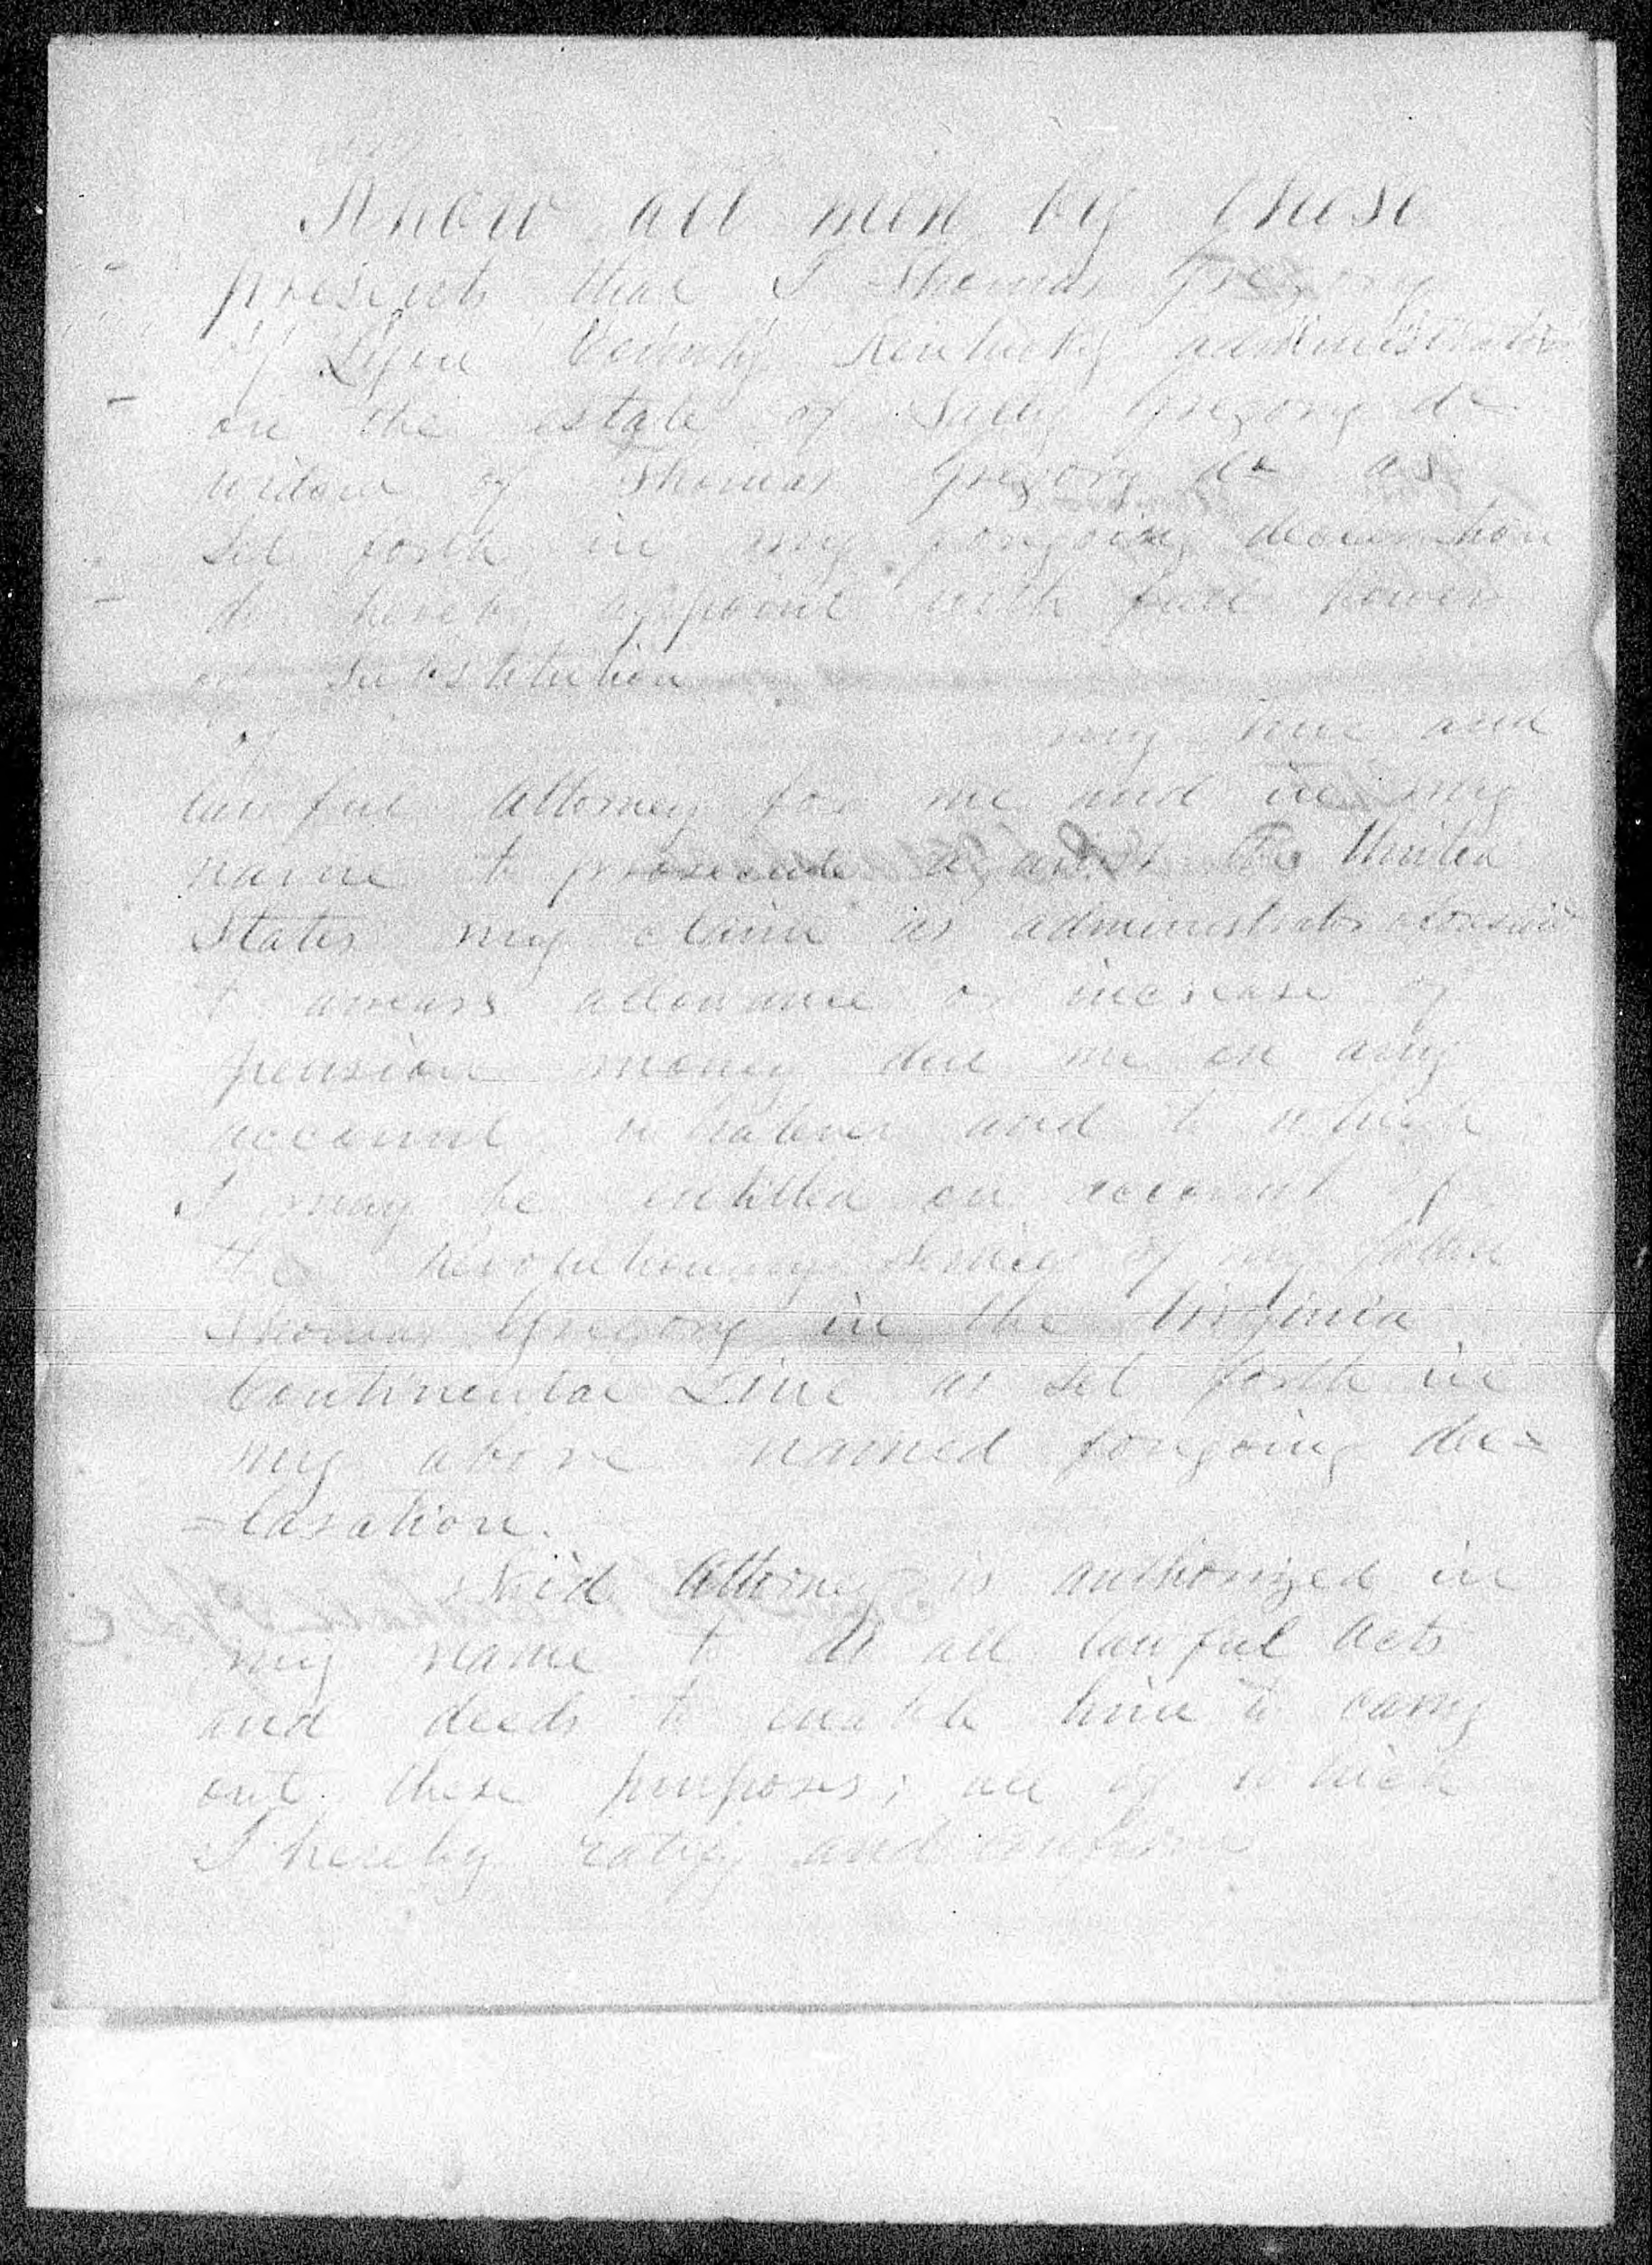Know all men by these presents that I Thomas Gregory of Lyon County Kentucky administrator on the estate of Sally Gregory dc. widow of Thomas Gregory dc. as set forth in my foregoing declaration do hereby appoint with full power of substitution [blank] my true and lawful attorney for me and in my name to prosecute against the United States my claim as administrator aforesaid to arrears allowance or increase of pension money due me on any account whatever and to which I may be entitled on account of the Revolutionary Services of my father Thomas Gregory in the Virginia Continental Line as set forth in my above named foregoing declaration.
Said Attorney is authorized in my name to do all lawful acts and deeds to enable him to carry out these purposes; all of which I hereby ratify and confirm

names: Thomas Gregory, Thomas Gregory, Thomas Gregory, Sally Gregory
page: 69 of 75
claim: widow's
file: W. 8876, Thomas Gregory, Continental Va